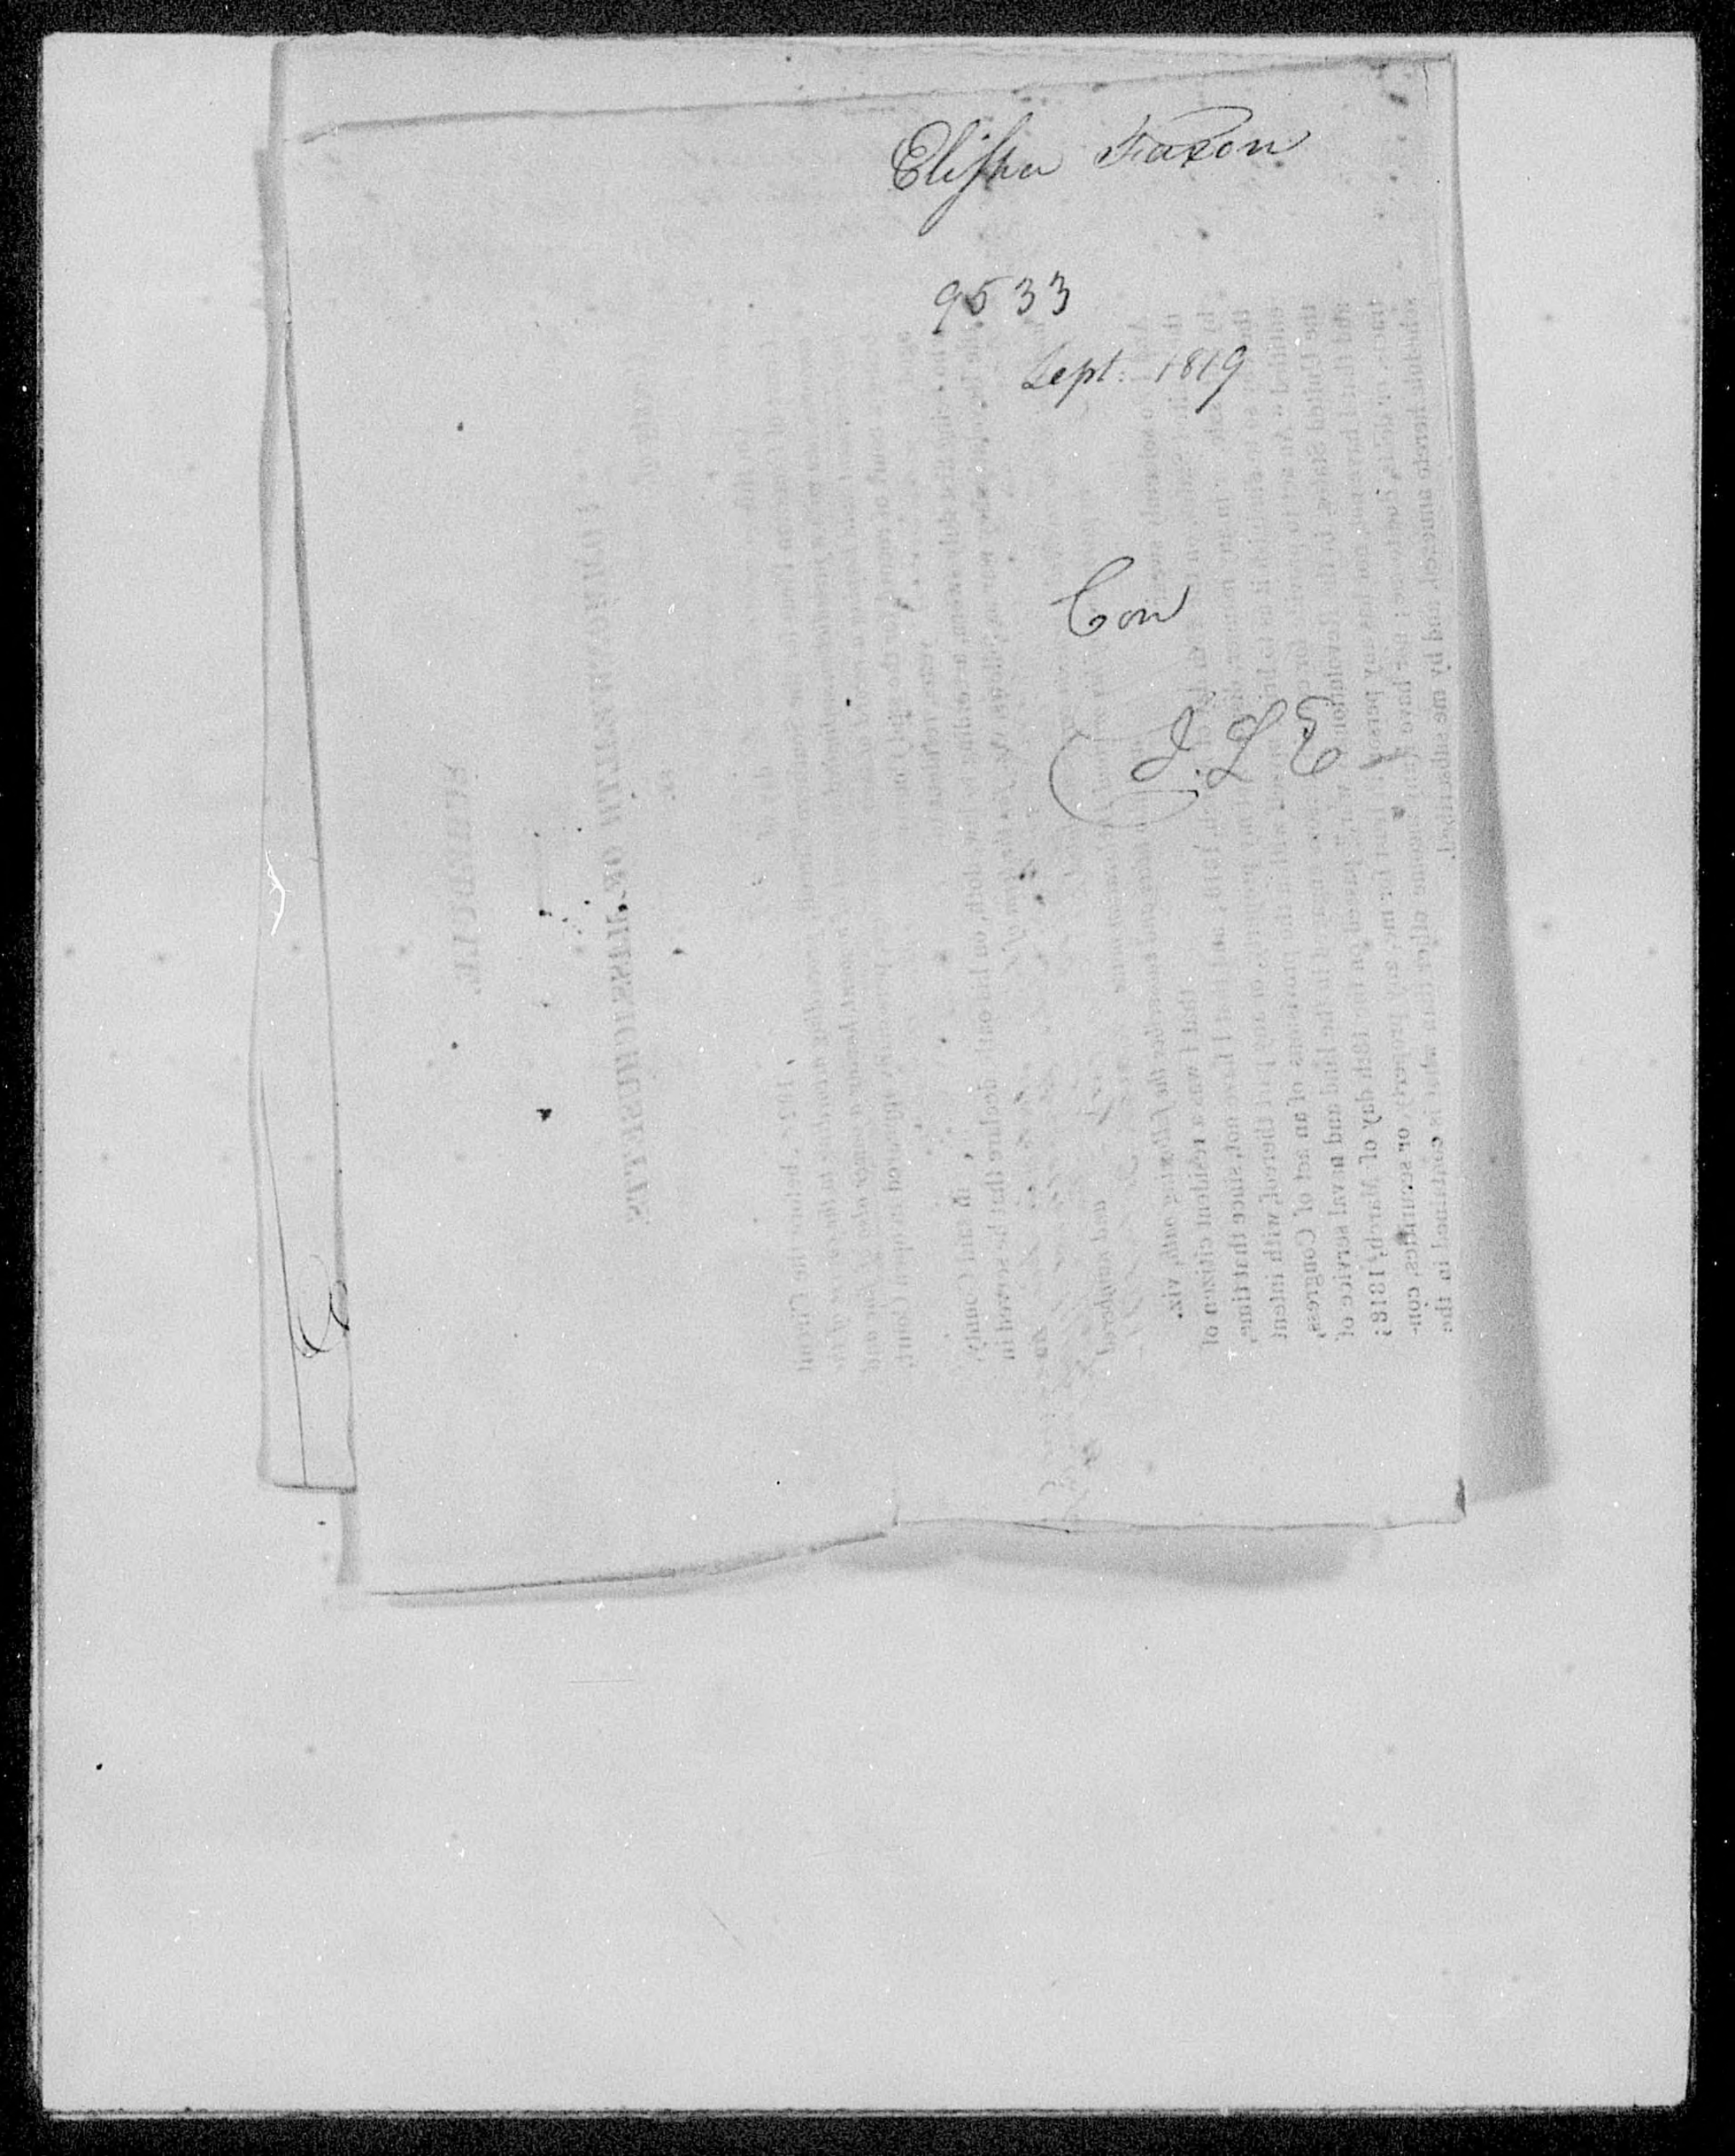Elisha Faxon
9533
Sept 1819
Con
(J. L [illegible]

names: Elisha Faxon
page: 5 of 47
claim: widow's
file: W. 14703, Elisha Faxon, Mass